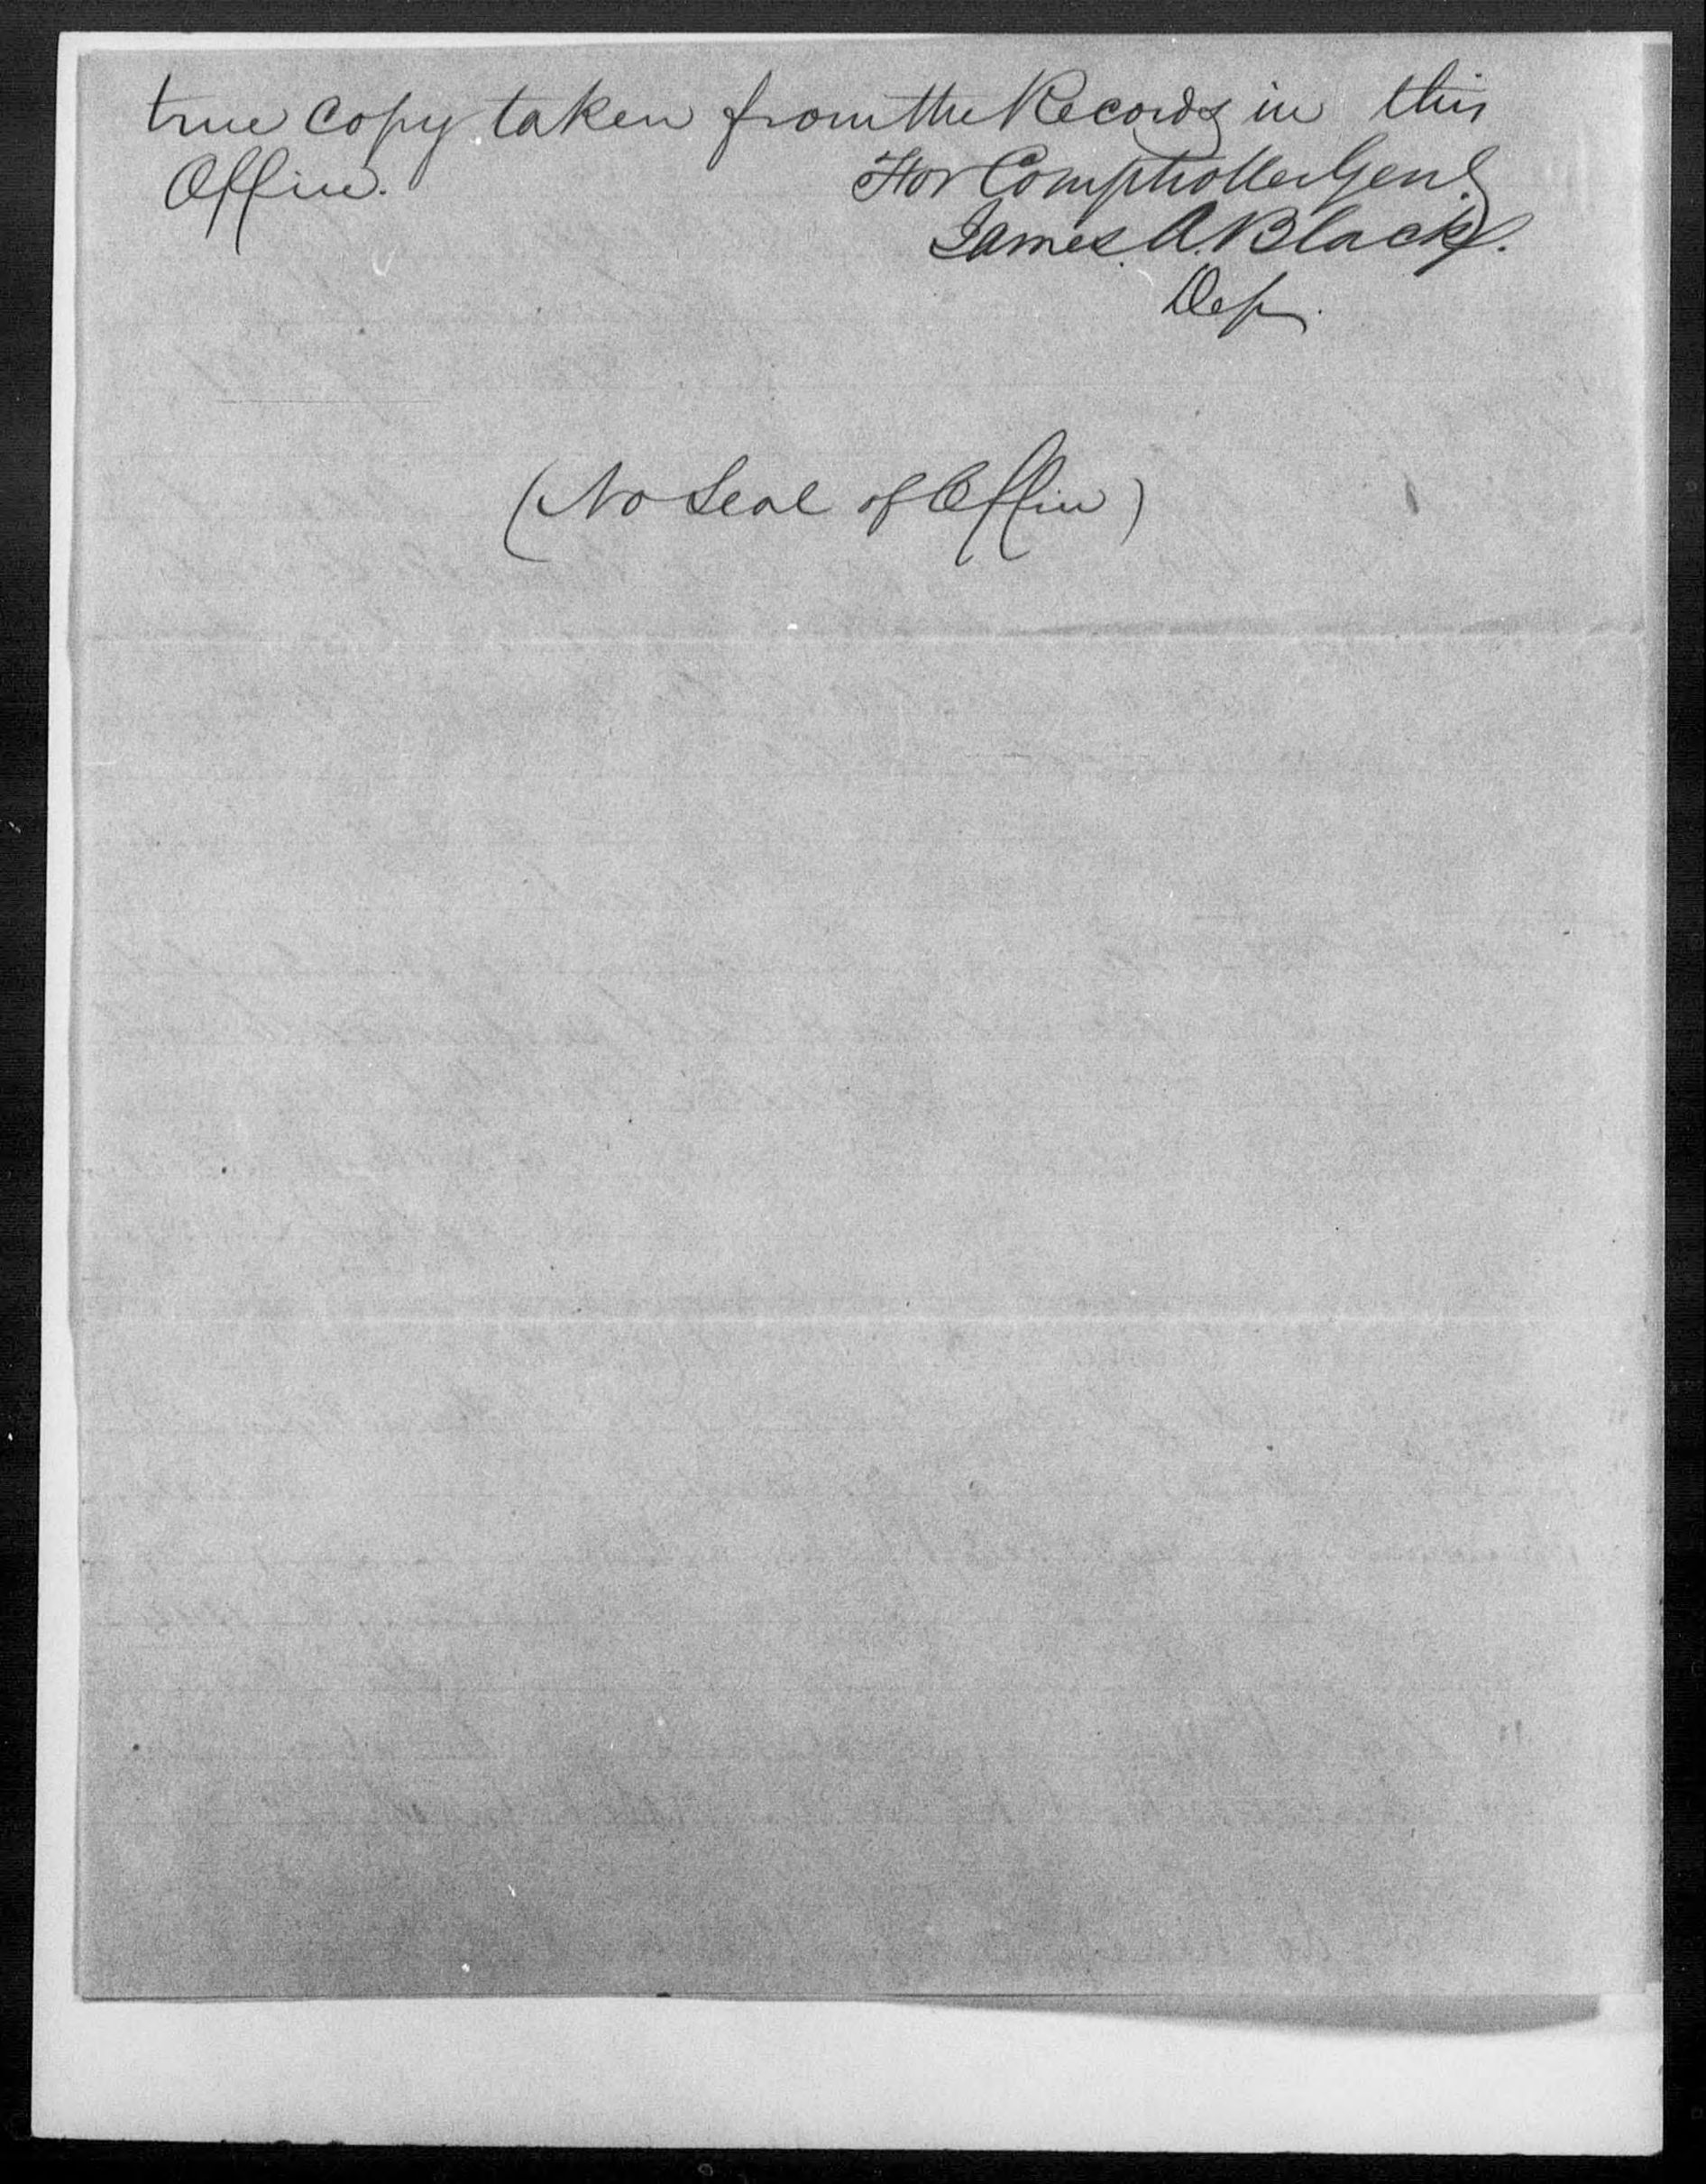true copy taken from the Records in this office. For Comptroller Genl James A. Black ( signed ) Dep( no seal of office )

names: James A Black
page: 27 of 33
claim: widow's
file: W. 23779, Robert Carithers, S.C.